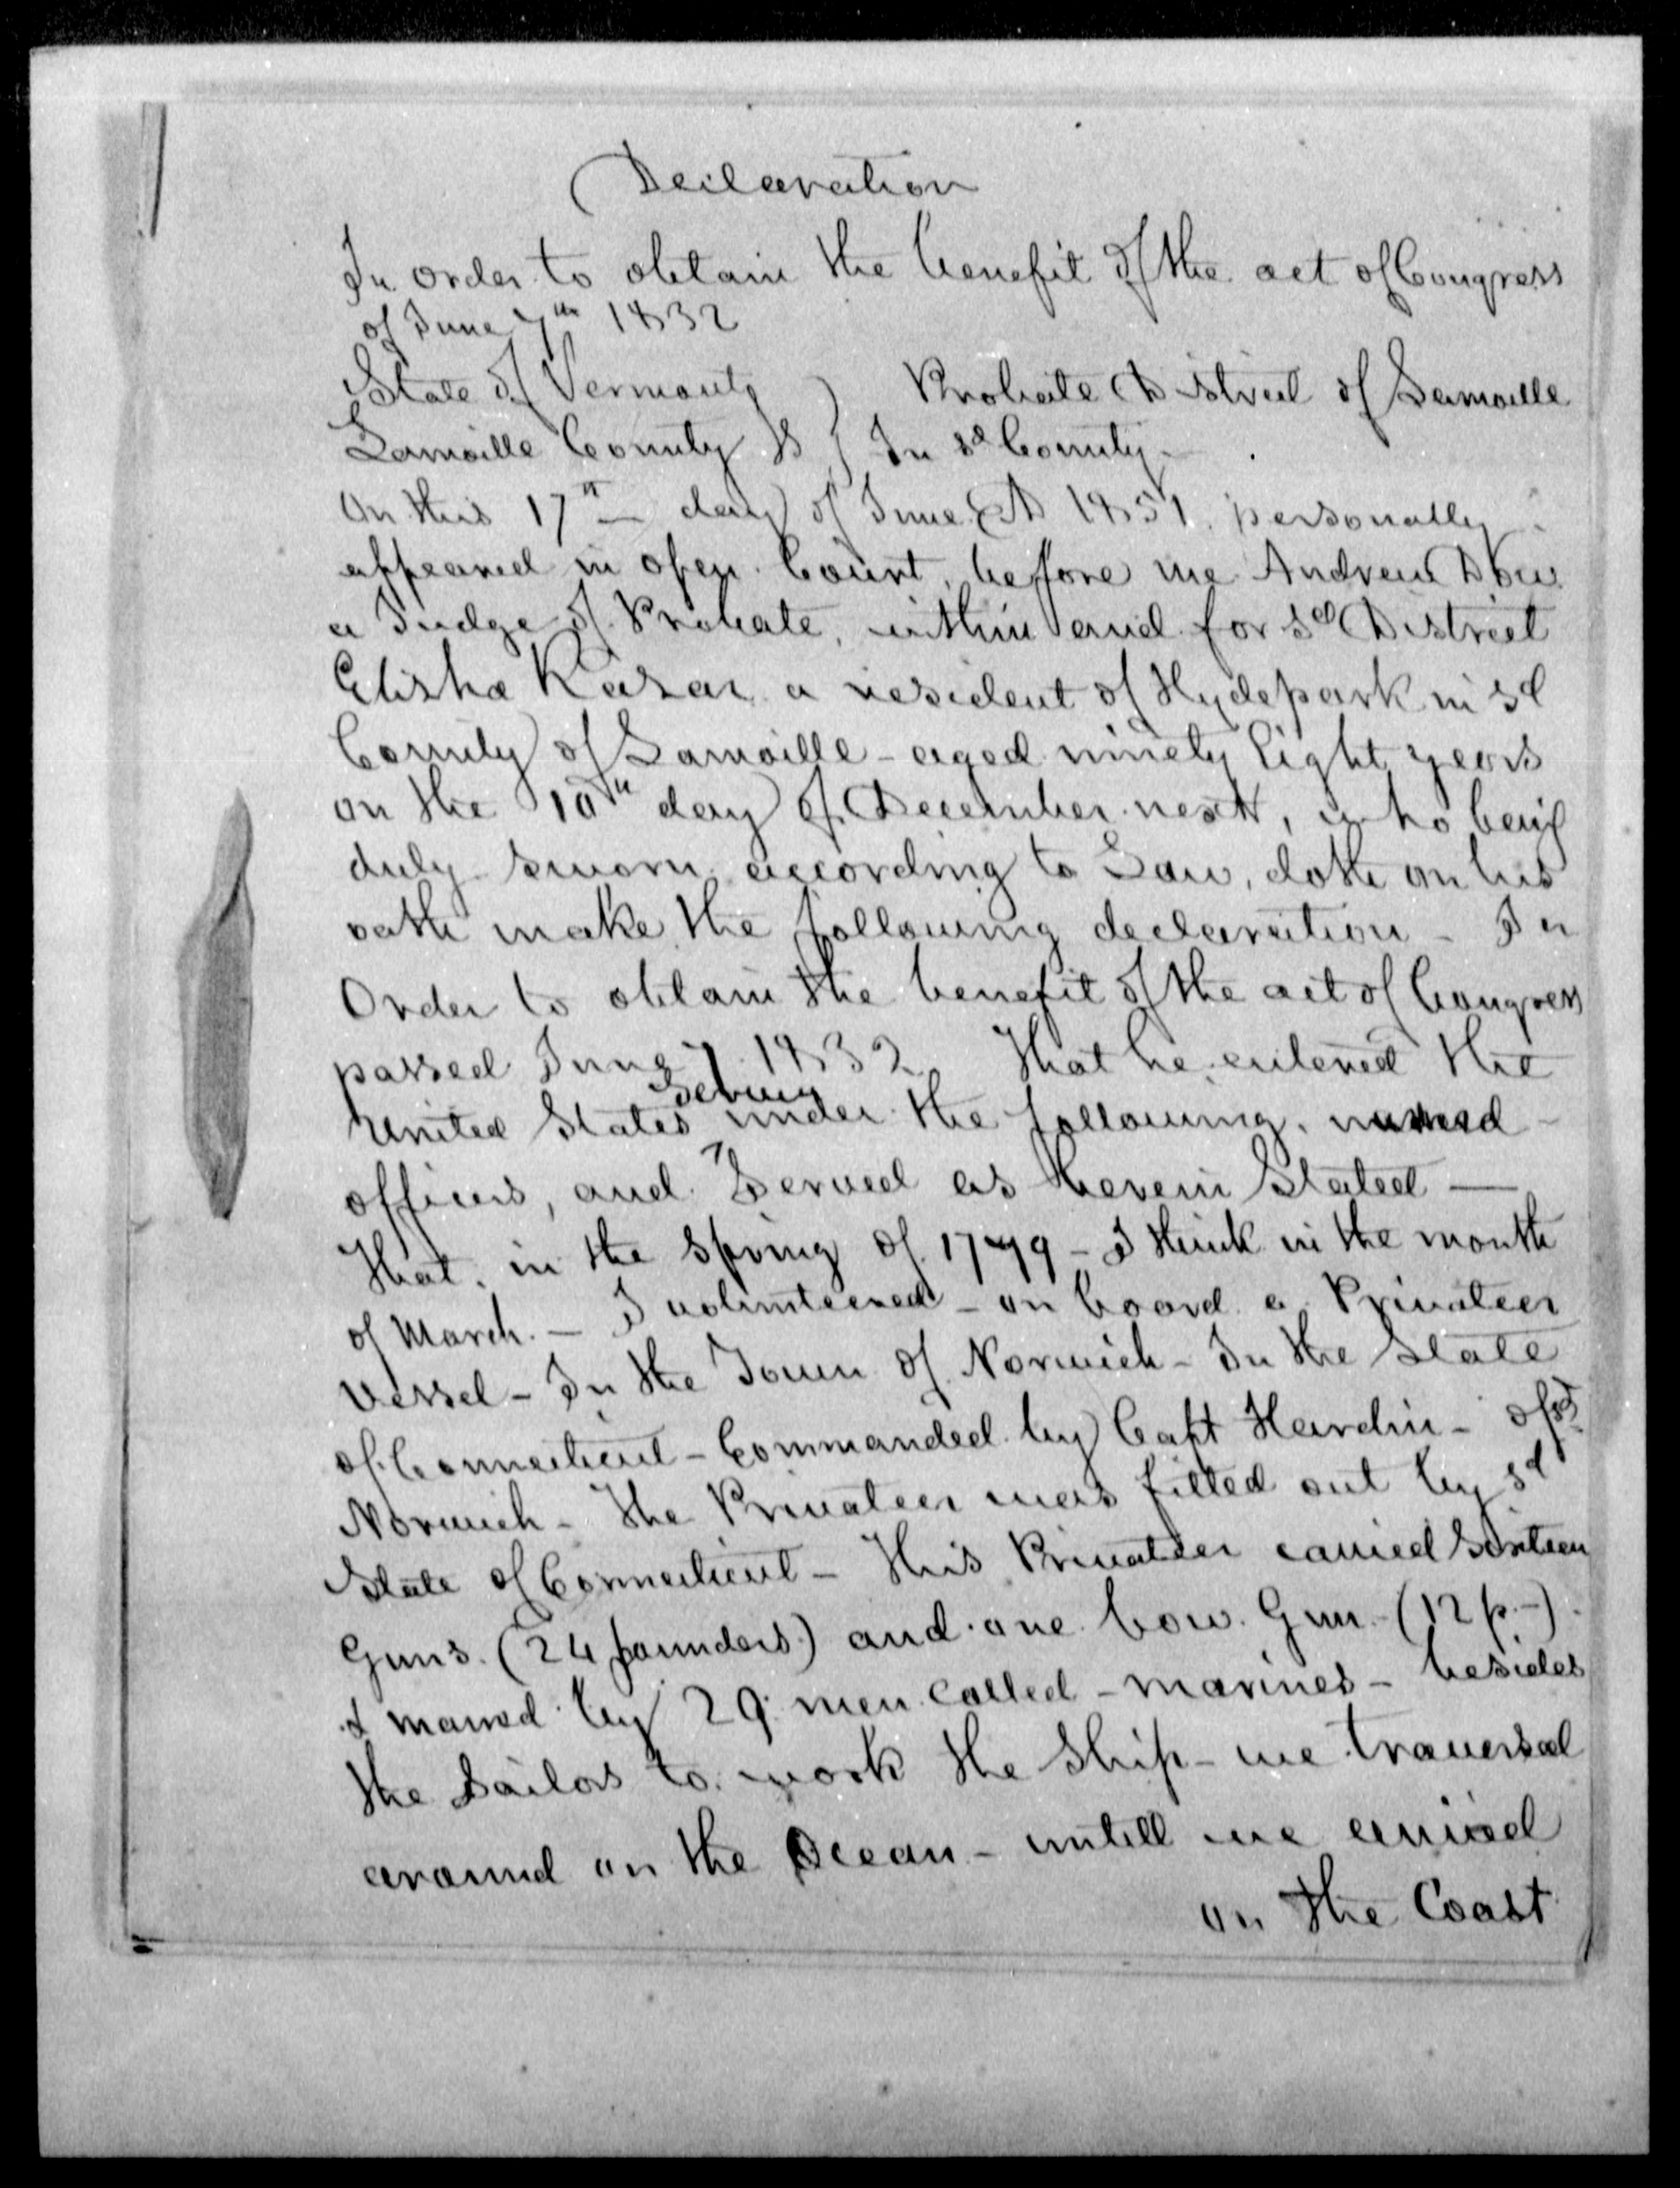Declaration Probate 
In order to obtain the benefit of the act of Congress 
of June 7, 1832
State of Vermont 
Lamoille County
Probate District of Lamoille for sd county 
On this 17th day of June AD 1851 personally
appeared in open Court, before me Andrew Dow 
Judge & Probate, within and for sd District
Elisha Razar a resident of Hyde park in sd
County of Lamoille - aged ninety Eight years
on the 10th day of December next
duly sworn according to Law, doth in his
oath make the following declaration. In
Order to obtain the benefit of the act of Congress
parred June 7 1832. That he entered the
United States under the following named 
officers and served as herein stated-
That in the spring of 1779. I think in the month
of March I volunteered on board a Privateer
In the Town of Norwich. In the State of
Connecticut Commanded by Capt Hardin
Norwich - the private was fitted out by sd
state of Connecticut - This Privateer carried sixteen
Guns (24 pounders) and one bow gun (12p.-)
& manned by 29 men called - marines-- besides
The Sailors to work the ship - we traversed
around on the ocean -  untill we [illegible]
on the Coast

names: [BLANK] Hardin; Elisha Razar; Andrew Dow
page: 3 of 30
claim: rejected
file: R. 8625, for Elisha Razar, Connecticut